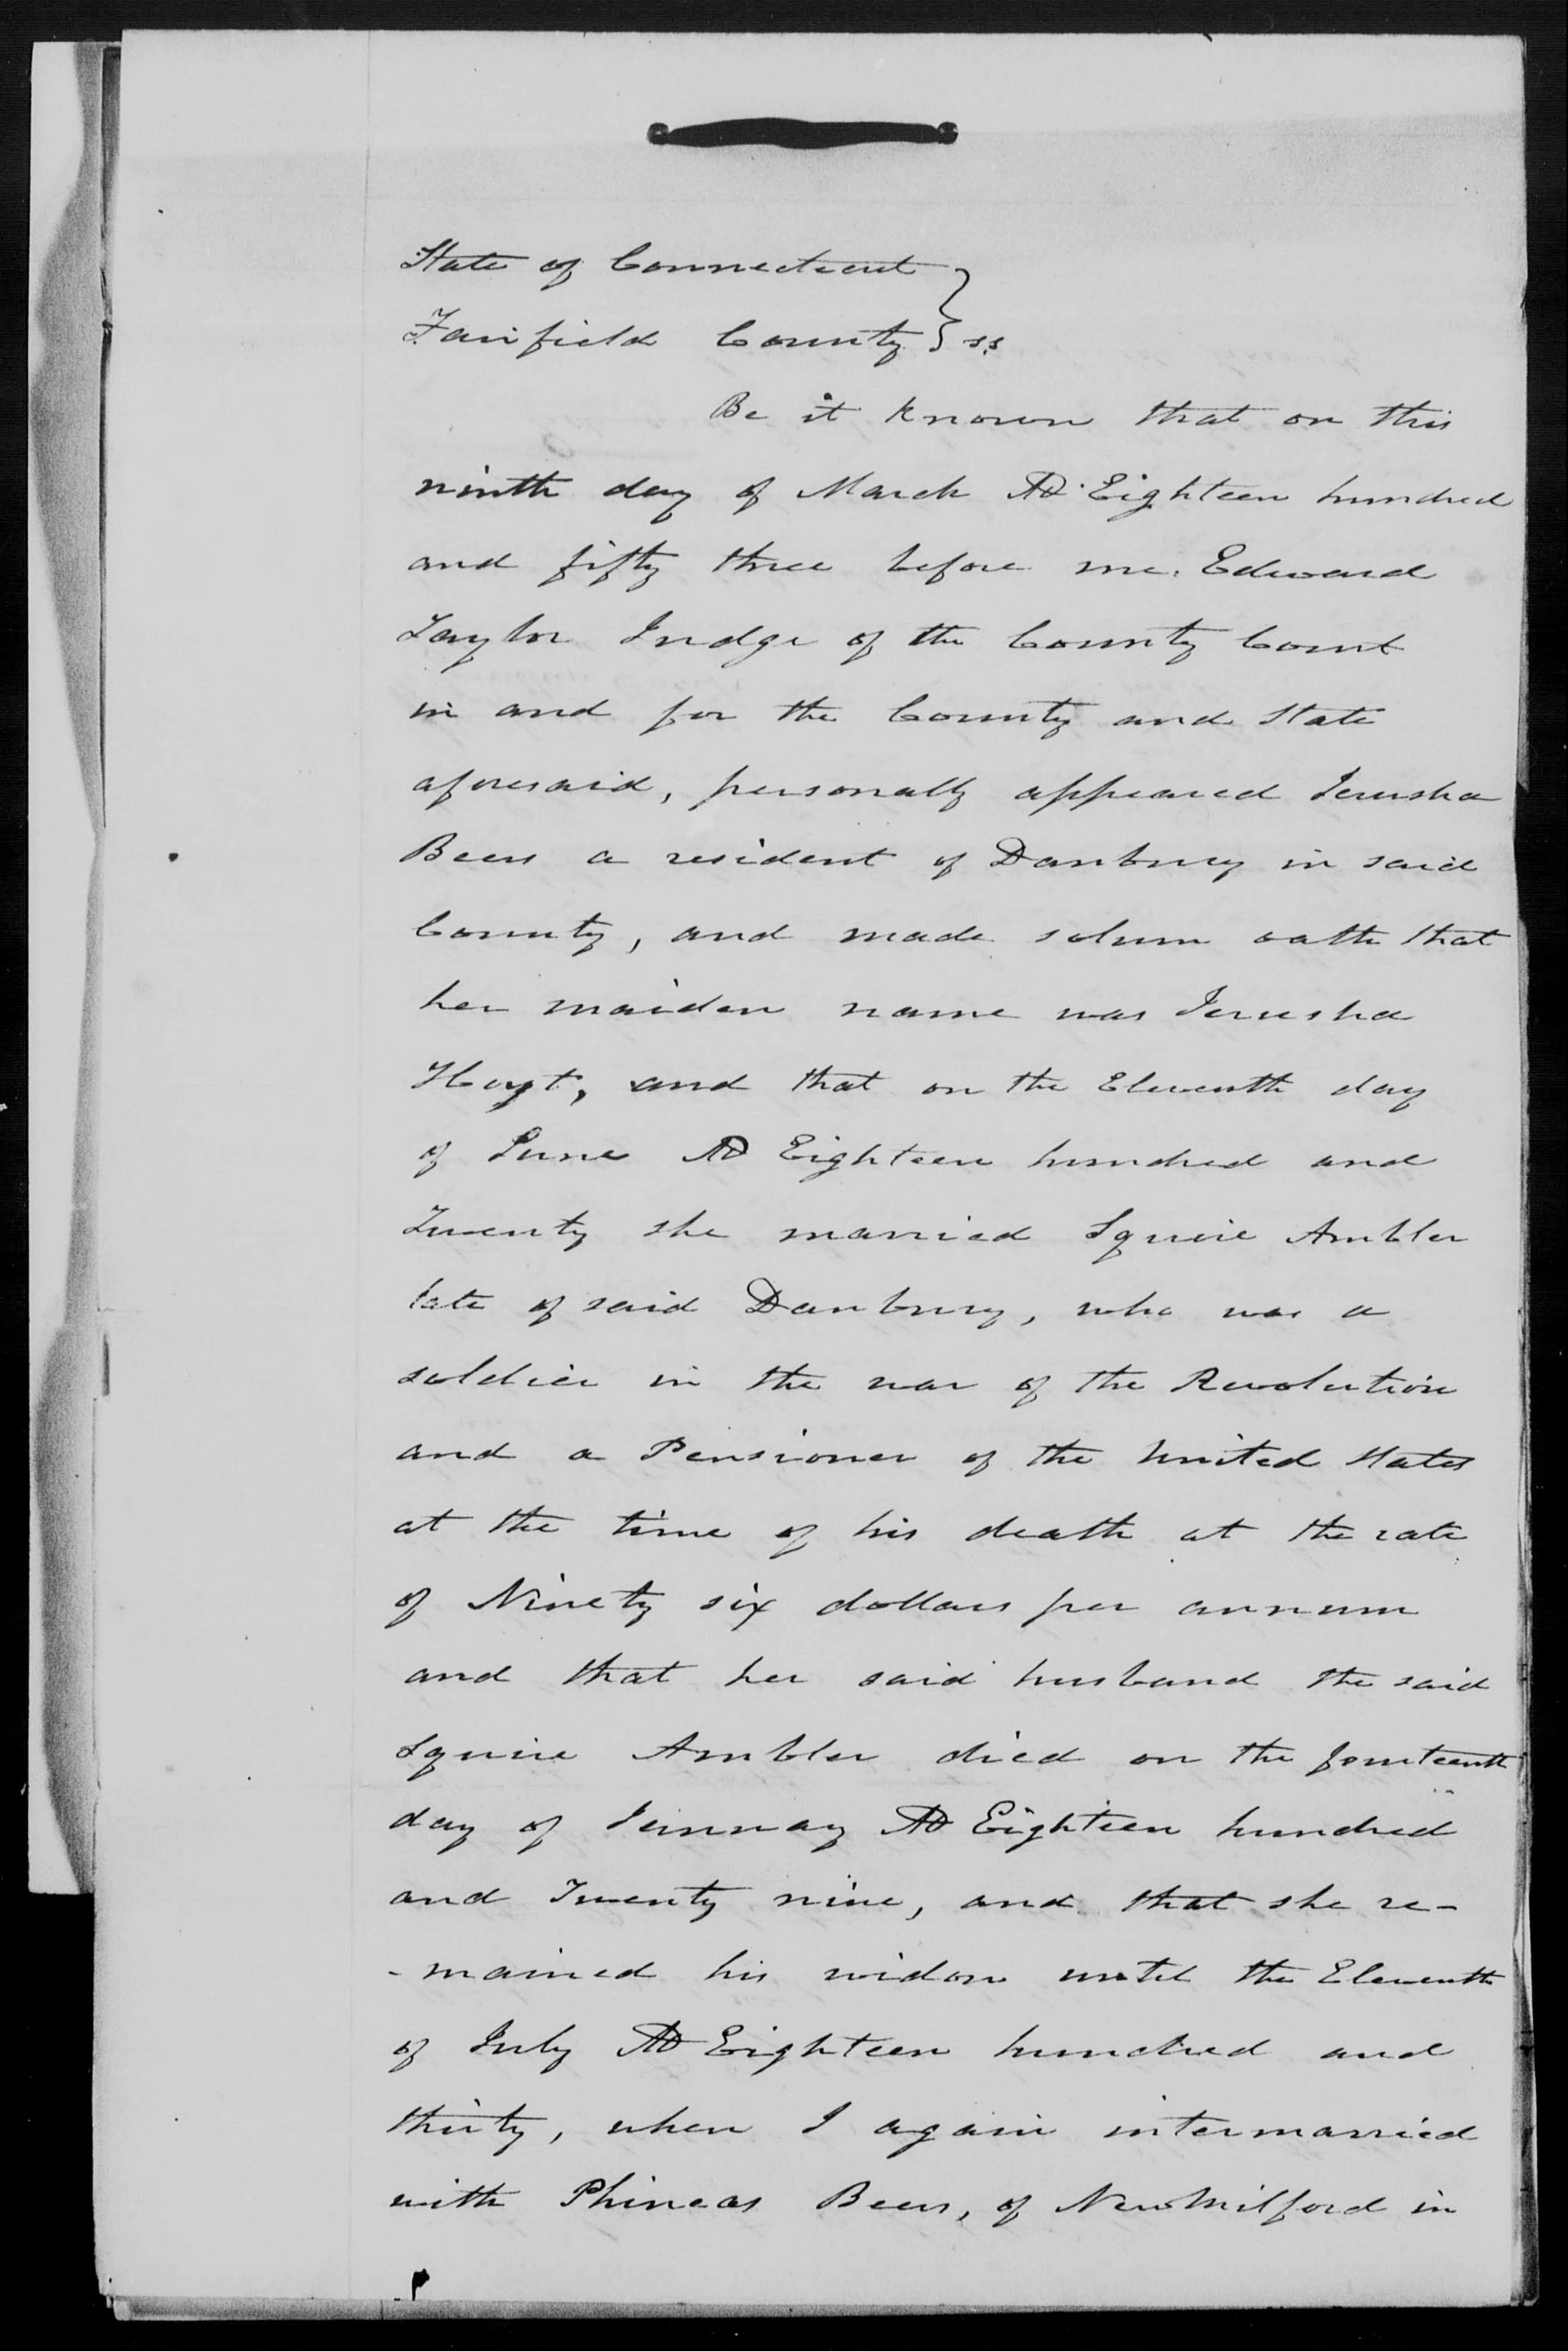State of Connecticut Fairfield County ⎬ SS 
Be it known that on this ninth day of March AD Eighteen hundred and fifty three before me, Edward Taylor Judge of the County Court in and for the County and State aforesaid, personally appeared Jerusha Beers a resident of Danbury in said County, and made solemn oath that her maiden name was Jerusha Hoyt, and that on the Eleventh day of June AD Eighteen hundred and Twenty she married Squire Ambler late of said Danbury, who was a soldier of the war of the Revolution and a Pensioner of the United States at the time of his death at the rate of Ninety six dollars per annum and that her said husband the said Squire Ambler died on the fourteenth day of January AD Eighteen hundred and Twenty nine, and that she remained his widow until the Eleventh of July AD Eighteen hundred and thirty, when I again intermarried with Phineas Beers, of New Milford in...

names: Jerusha Hoyt, Edward Taylor, Squire Ambler, Squire Ambler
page: 16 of 39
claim: widow's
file: W. 2,056, Squire Ambler, Continental (Sol. Res. In N.Y. & Conn.)